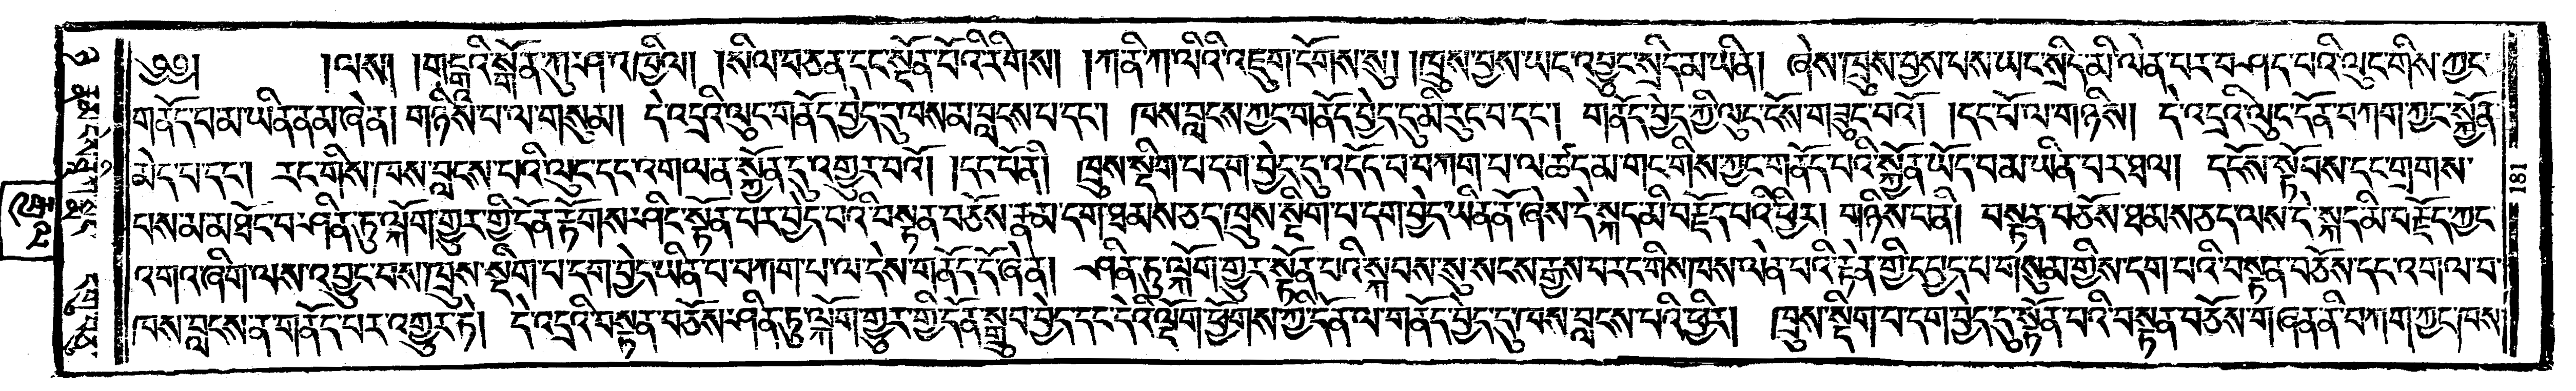༄༅། །ལས། །གངྒཱའི་སྒོ་ན་ཀུ་ཤ་འཁྱིལ། །སིལ་བ་ཅན་དང་སྔོན་པོའི་རིགས། །ཀ་ནི་ཀ་ལིའི་འཇུག་དོགས་སུ། །ཁྲུས་བྱས་ཡང་འབྱུང་སྲིད་མ་ཡིན། ཞེས་ཁྲུས་བྱས་པས་ཡང་སྲིད་མི་ལེན་པར་བཤད་པའི་ལུང་གིས་ཀྱང་
གནོད་པ་མ་ཡིན་ནམ་ཞེ་ན། གཉིས་པ་ལ་གསུམ། དེ་འདྲའི་ལུང་གནོད་བྱེད་དུ་ཁས་མ་བླངས་པ་དང་། ཁས་བླངས་ཀྱང་གནོད་བྱེད་དུ་མི་རུང་བ་དང་། གནོད་བྱེད་ཀྱི་ལུང་ངོས་གཟུང་བའོ། །དང་པོ་ལ་གཉིས། དེ་འདྲའི་ལུང་དོན་བཀག་ཀྱང་སྐྱོན་
མེད་པ་དང་། རང་གིས་ཁས་བླངས་པའི་ལུང་དང་འགལ་ན་སྐྱོན་དུ་འགྱུར་བའོ། །དང་པོ་ནི། ཁྲུས་སྡིག་པ་དག་བྱེད་དུ་འདོད་པ་བཀག་པ་ལ་ཚད་མ་གང་གིས་ཀྱང་གནོད་པའི་སྐྱོན་ཡོད་བམ་ཡིན་པར་ཐལ། དངོས་སྟོབས་དང་གྲགས་
པས་མ་མཐོང་བ་ཤིན་ཏུ་ལྐོག་གྱུར་གྱི་དོན་རྟོགས་ཤིང་སྟོན་པར་བྱེད་པའི་བསྟན་བཅོས་རྣམ་དག་ཐམས་ཅད་ཁྲུས་སྡིག་པ་དག་བྱེད་ཡིན་ནོ་ཞེས་དེ་སྐད་མི་བརྗོད་པའི་ཕྱིར། གཉིས་པ་ནི། བསྟན་བཅོས་ཐམས་ཅད་ལས་དེ་སྐད་མི་བརྗོད་ཀྱང་
འགའ་ཞིག་ལས་འབྱུང་བས་ཁྲུས་སྡིག་པ་དག་བྱེད་ཡིན་པ་བཀག་པ་ལ་དེས་གནོད་དོ་ཞེ་ན། ཤིན་ཏུ་ལྐོག་གྱུར་སྟོན་པའི་སྐབས་སུ་སངས་རྒྱས་པ་རང་གིས་ཁས་ལེན་པའི་རྟེན་གྱི་དཔྱད་པ་གསུམ་གྱིས་དག་པའི་བསྟན་བཅོས་དང་འགལ་བ་
ཁས་བླངས་ན་གནོད་པར་འགྱུར་ཏེ། དེ་འདྲའི་བསྟན་བཅོས་ཤིན་ཏུ་ལྐོག་གྱུར་གྱི་དོན་སྒྲུབ་བྱེད་དང་དེའི་ལྡོག་ཕྱོགས་ཀྱི་དོན་ལ་གནོད་བྱེད་དུ་ཁས་བླངས་པའི་ཕྱིར། ཁྲུས་སྡིག་པ་དག་བྱེད་དུ་སྟོན་པའི་བསྟན་བཅོས་གཞན་ནི་བཀག་ཀྱང་ཁས་